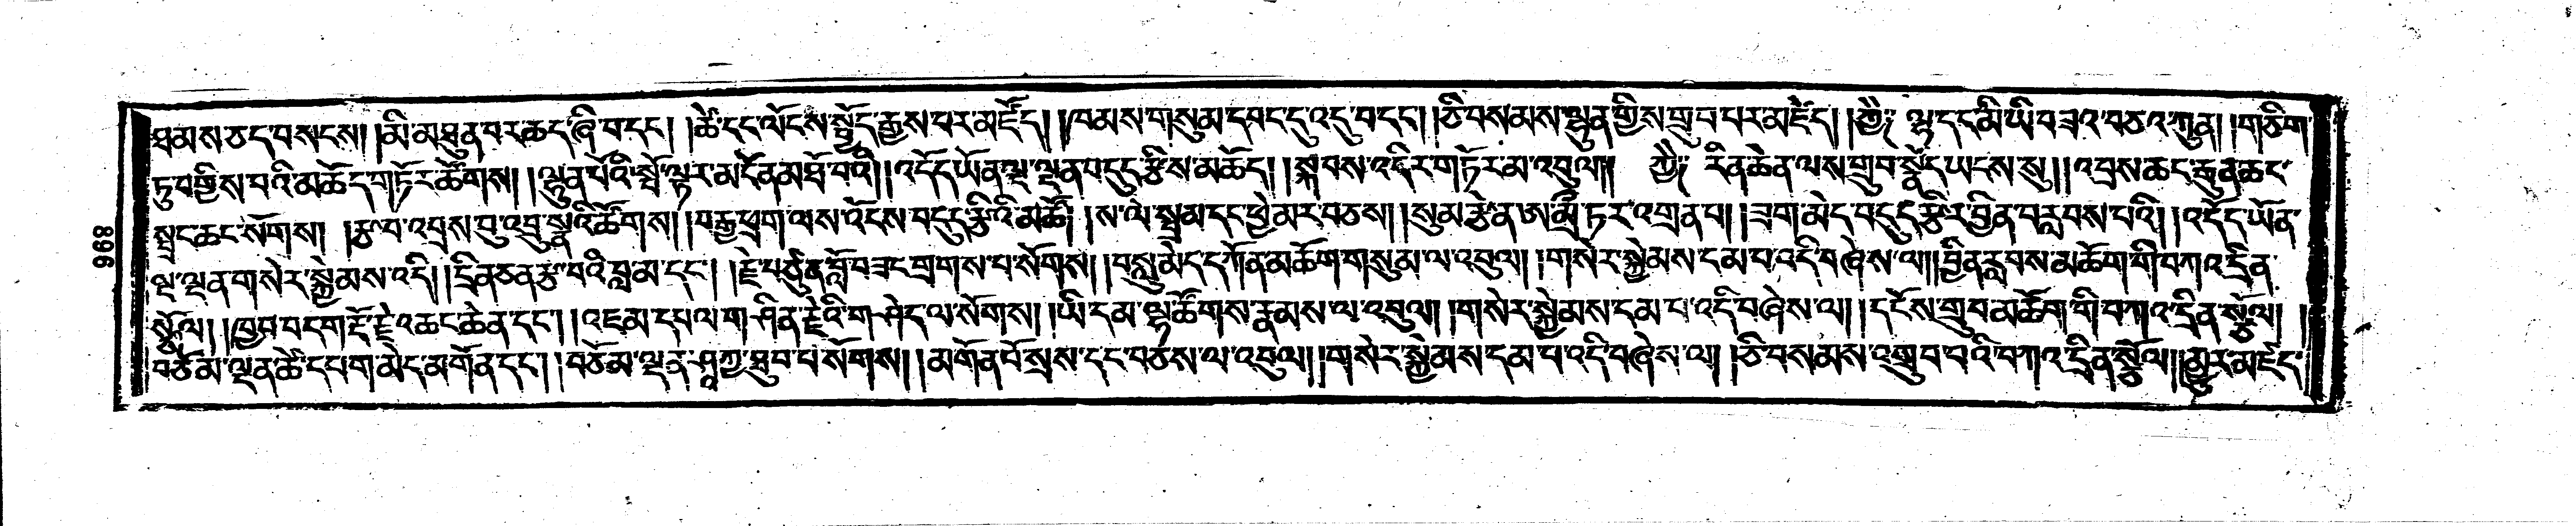ཐམས་ཅད་བསངས། །མི་མཐུན་བར་ཆད་ཞི་བ་དང་། །ཚེ་དང་ལོངས་སྤྱོད་རྒྱས་པར་མཛོད། །ཁམས་གསུམ་དབང་དུ་འདུ་བ་དང་། །ཅི་བསམས་ལྷུན་གྱིས་གྲུབ་པར་མཛོད། །ཀྱཻ༑ ལྷ་དང་མི་ཡི་བཟའ་བཅའ་ཀུན། །གཅིག་
ཏུ་བགྱིས་པའི་མཆོད་གཏོར་ཚོགས། །ལྷུན་པོའི་སྤོ་ལྟར་མངོན་མཐོ་བའི། །འདོད་ཡོན་ལྔ་ལྡན་བདུད་རྩིས་མཆོད། །སྐབས་འདིར་གཏོར་མ་འབུལ།། ཀྱཻ༑ རིན་ཆེན་ལས་གྲུབ་སྣོད་ཡངས་སུ། །འབྲས་ཆང་རྒུན་ཆང་
སྦྲང་ཆང་སོགས། །རྩ་བ་འབྲས་བུ་འབྲུ་སྣའི་ཚོགས། །བརྒྱ་ཕྲག་ལས་འོངས་བདུད་རྩིའི་མཚོ། །ས་ལེ་སྦྲམ་དང་ཕྱེ་མར་བཅས། །སུམ་རྩེན་ཨ་མྲྀ་ཏར་འགྲན་པ། །ཟག་མེད་བདུད་རྩིར་བྱིན་བརླབས་པའི། །འདོད་ཡོན་
ལྔ་ལྡན་གསེར་སྐྱེམས་འདི། །དྲིན་ཅན་རྩ་བའི་བླ་མ་དང་། །རྗེ་བཙུན་བློ་བཟང་གྲགས་པ་སོགས། །བསླུ་མེད་དཀོན་མཆོག་གསུམ་ལ་འབུལ། །གསེར་སྐྱེམས་དམ་པ་འདི་བཞེས་ལ། །བྱིན་རླབས་མཆོག་གི་བཀའ་དྲིན་
སྩོལ། །ཁྱབ་བདག་རྡོ་རྗེ་འཆང་ཆེན་དང་། །འཇམ་དཔལ་གཤིན་རྗེའི་གཤེད་ལ་སོགས། །ཡི་དམ་ལྷ་ཚོགས་རྣམས་ལ་འབུལ། །གསེར་སྐྱེམས་དམ་པ་འདི་བཞེས་ལ། །དངོས་གྲུབ་མཆོག་གི་བཀའ་དྲིན་སྩོལ། །
བཅོམ་ལྡན་ཚེ་དཔག་མེད་མགོན་དང་། །བཅོམ་ལྡན་ཤཱཀྱ་ཐུབ་པ་སོགས། །མགོན་པོ་སྲས་དང་བཅས་ལ་འབུལ། །གསེར་སྐྱེམས་དམ་པ་འདི་བཞེས་ལ། །ཅི་བསམས་འགྲུབ་པའི་བཀའ་དྲིན་སྩོལ། །མྱུར་མཛད་